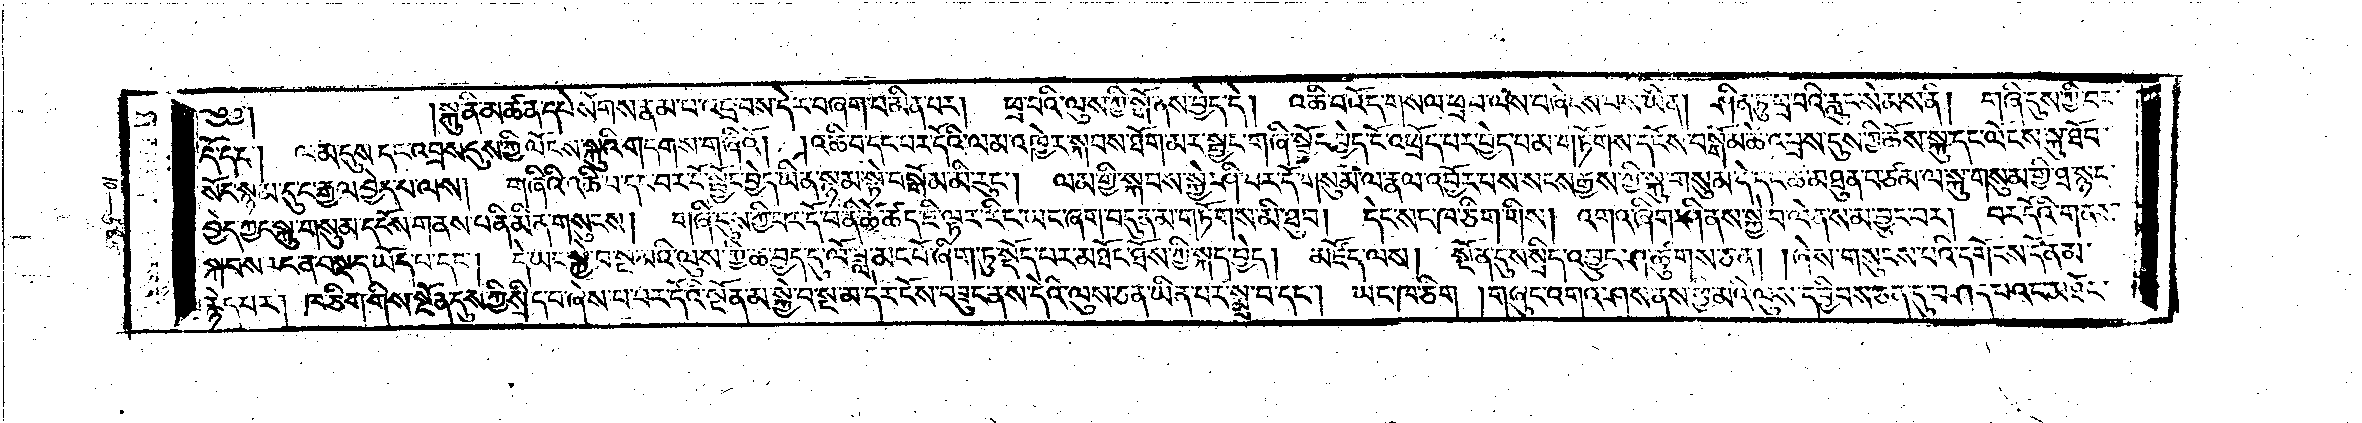༄༅། །སྐུ་ནི་མཚན་དཔེ་སོགས་རྣམ་པ་འདྲ་བས་དེར་བཞག་པ་མིན་པར། ཕྲ་བའི་ལུས་ཀྱི་སྒོ་ནས་བྱེད་དེ། འཆི་བ་འོད་གསལ་ཕྲ་བ་ལས་བཞེངས་པས་ཡིན། ཤིན་ཏུ་ཕྲ་བའི་རླུང་སེམས་ནི། གཞི་དུས་ཀྱི་བར་
དོ་དང་། ལམ་དུས་དང་འབྲས་དུས་ཀྱི་ལོངས་སྐུའི་གདགས་གཞིའོ། །འཆི་བ་དང་བར་དོའི་ལམ་འཁྱེར་སྐབས་ཐོག་མར་སྦྱང་གཞི་སྦྱོང་བྱེད་ངོ་འཕྲོད་པར་བྱེད་པ་མ་གཏོགས་དངོས་བསྒོམ་ཚེ་འབྲས་དུས་ཀྱི་ཆོས་སྐུ་དང་ལོངས་སྐུ་ཐོབ་སོང་
སྙམ་དུ་ང་རྒྱལ་བྱེད་པ་ལས། གཞིའི་འཆི་བ་དང་བར་དོ་སྦྱོང་བྱེད་ཡིན་སྙམ་སྟེ་བསྒོམ་མི་རུང་། ལམ་གྱི་སྐབས་སྐྱེ་ཤི་བར་དོ་གསུམ་ལ་རྣལ་འབྱོར་བས་སངས་རྒྱས་ཀྱི་སྐུ་གསུམ་དེ་དང་ཆ་མཐུན་པ་ཙམ་ལ་སྐུ་གསུམ་གྱི་ཐ་སྙད་
བྱེད་ཀྱང་སྐུ་གསུམ་དངོས་གནས་པ་ནི་མིན་གསུངས། གཞི་དུས་ཀྱི་བར་དོ་བ་ནི་ཚེ་ཚད་ཇི་ལྟར་རིང་ཡང་ཞག་བདུན་མ་གཏོགས་མི་ཐུབ། དེང་སང་ཁ་ཅིག་གིས། འགའ་ཞིག་ཤི་ནས་སྐྱེ་བ་ལེན་ས་མ་བྱུང་བར། བར་དོའི་གནས་
སྐབས་རང་ན་བསྡད་ཡོད་པ་དང་། དེ་ཡང་སྐྱེ་བ་སྔ་མའི་ལུས་ཀྱི་ཆ་བྱད་དུ་ལོ་ཟླ་མང་པོ་ཞིག་ཏུ་སྡོད་པར་མཐོང་ཐོས་ཀྱི་སྐད་བྱེད། མཛོད་ལས། སྔོན་དུས་སྲི་འབྱུང་ཤ་ཚུགས་ཅན། །ཞེས་གསུངས་པའི་དགོངས་དོན་མ་རྙེད་པར།
ཁ་ཅིག་གིས་སྔོན་དུས་ཀྱི་སྲིད་པ་ཞེས་པ་བར་དོའི་སྔོན་མ་སྐྱེ་བ་སྔ་མ་དེར་ངོས་བཟུང་ནས་དེའི་ལུས་ཅན་ཡིན་པར་སྨྲ་བ་དང་། ཡང་ཁ་ཅིག །གཞུང་འགའ་ཤས་ནས་ཕྱི་མའི་ལུས་དབྱིབས་ཅན་དུ་བཤད་པའང་མཐོང་